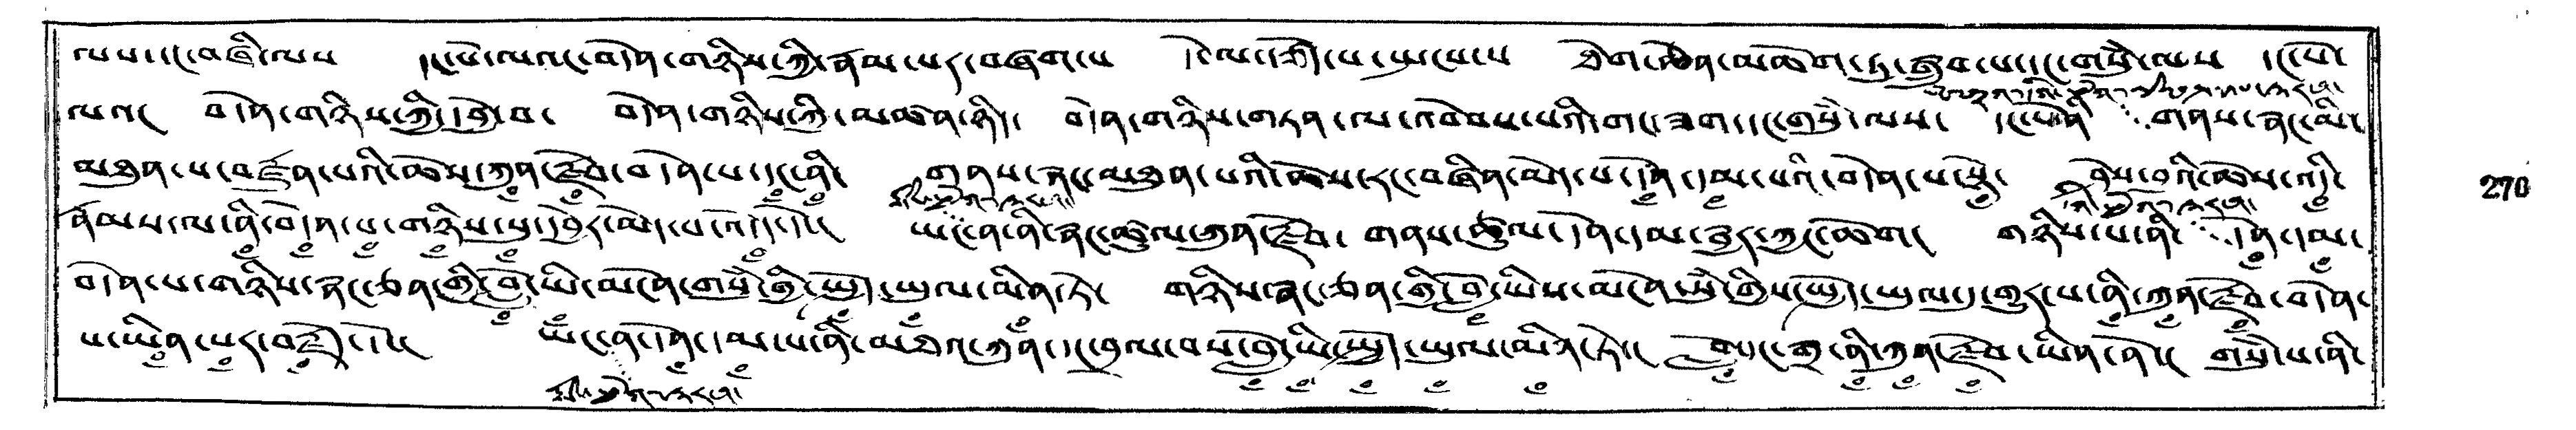ལས་དང་བཞི་ལས། དང་པོ་ལའང་བདེན་གཉིས་ཀྱི་རྣམ་པར་གཞག་པ། དེ་ལ་རྩོད་པ་སྤང་པ། ཐེག་ཆེན་མཆོག་ཏུ་སྒྲུབ་པ་དང་གསུམ་ལས། དང་པོ་
ལའང་། བདེན་གཉིས་ཀྱི་དབྱེ་བ། བདེན་གཉིས་ཀྱི་མཚན་ཉིད། བདེན་གཉིས་གཏན་ལ་འབེབས་པའི་གང་ཟག་དང་གསུམ་ལས། དང་པོ་ནི། ཡོངས་གྲགས་དགེ་ཕྱོགས་ཀྱིས་བཤད་པ་ལྟར་ན། གནས་སྣང་མི་
མཐུན་པ་བརྫུན་པའི་ཆོས་ཀུན་རྫོབ་བདེན་པ་དང་ནི། གནས་སྣང་མཐུན་པའི་ཆོས་རང་བཞིན་མེད་པ་དོན་དམ་པའི་བདེན་པ་སྟེ། ཤེས་བྱའི་ཆོས་འདི་
རྣམས་ལ་ནི་བདེན་པ་གཉིས་སུ་དབྱེར་མེད་པ་འདོད་དོ། ཡང་ན་རྙིང་ཕྱོགས་ལྟར་ན། ནི་སྣང་ཚུལ་ཀུན་རྫོབ། གནས་ཚུལ་དོན་དམ་སྦྱར་ཡང་ཆོག གཉིས་པ་ནི། དགེ་ཕྱོགས་ལྟར་ན། དོན་དམ་
བདེན་པ་གཉིས་སྣང་ཅན་གྱི་བློ་ཡི་མངོན་སུམ་གྱི་སྤྱོད་ཡུལ་མིན་ཏེ། གཉིས་སྣང་ཅན་གྱི་བློ་ཡིས་མངོན་སུམ་གྱིས་སྤྱོད་ཡུལ་དུ་གྱུར་པ་ནི་ཀུན་རྫོབ་བདེན་
པ་ཡིན་པར་བརྗོད་དོ། ཡང་ན་རྙིང་ཕྱོགས་ལྟར་ན། དོན་དམ་པ་ནི་མཐའ་ཀུན་དང་བྲལ་བས་བློ་ཡི་སྤྱོད་ཡུལ་མིན་ཏེ། བློ་དང་སྒྲ་ནི་ཀུན་རྫོབ་ཡིན་ནོ། གསུམ་པ་ནི།